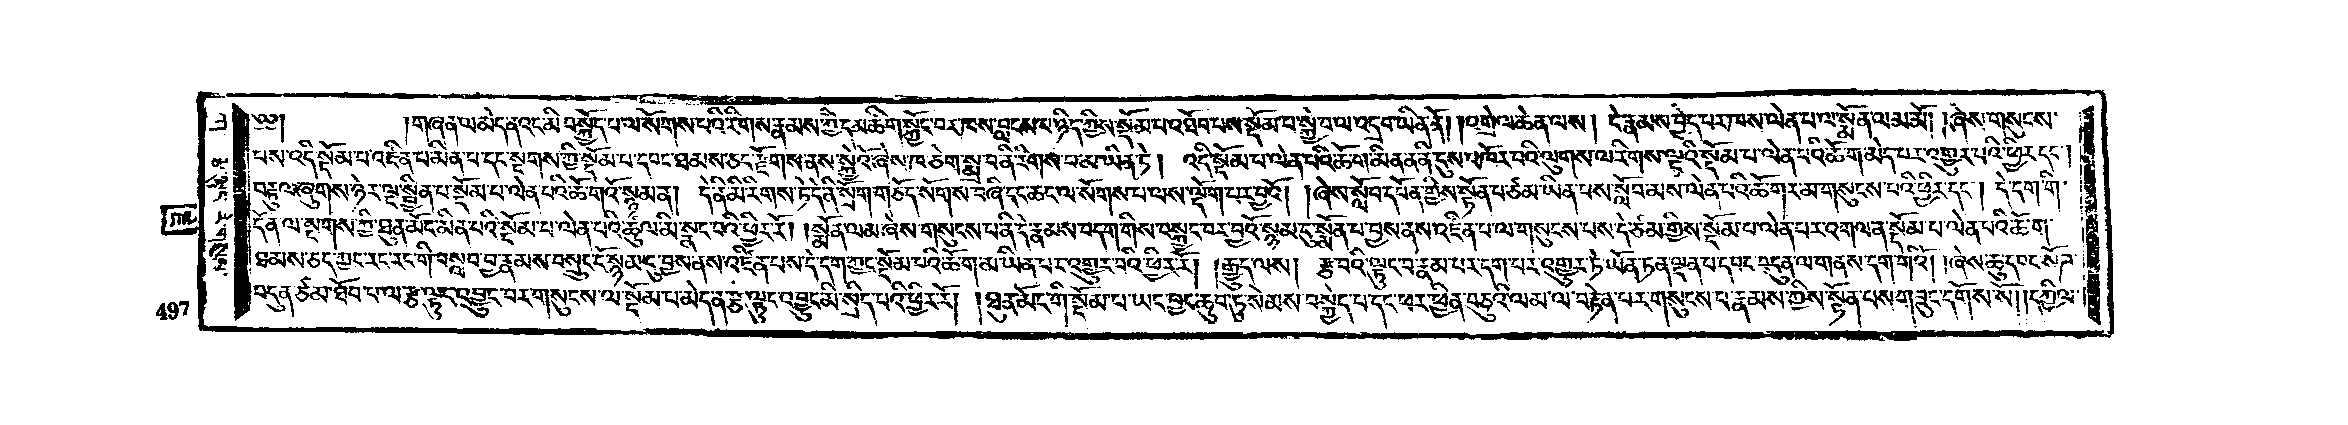༄༅། །གཞན་ལ་མེད་ནའང་མི་བསྐྱོད་པ་ལ་སོགས་པའི་རིགས་རྣམས་ཀྱི་དམ་ཚིག་སྐྱོང་བར་ཁས་བླངས་པ་ཉིད་ཀྱིས་སྡོམ་པ་འཐོབ་པས་སྡོམ་པ་སྐྱེ་བ་ལ་འདྲ་བ་ཡིན་ནོ། །འགྲེལ་ཆེན་ལས། དེ་རྣམས་བྱེད་པར་ཁས་ལེན་པ་ལ་སྨོན་ལམ་མོ། །ཞེས་གསུངས་
པས་འདི་སྡོམ་པ་འཛིན་པ་མིན་པ་དང་སྔགས་ཀྱི་སྡོམ་པ་དབང་ཐམས་ཅད་རྫོགས་ནས་སྐྱེའོ་ཞེས་ཁ་ཅིག་སྨྲ་བ་ནི་རིགས་པ་མ་ཡིན་ཏེ། འདི་སྡོམ་པ་ལེན་པའི་ཆོ་ག་མིན་ན་ནི་དུས་འཁོར་བའི་ལུགས་ལ་རིགས་ལྟའི་སྡོམ་པ་ལེན་པའི་ཆོ་ག་མེད་པར་འགྱུར་པའི་ཕྱིར་དང་།
བརྟུལ་ཞུགས་ཉེར་ལྔ་སྦྱིན་པ་སྡོམ་པ་ལེན་པའི་ཆོ་གའོ་སྙམ་ན། དེ་ནི་མི་རིགས་ཏེ་དེ་ནི་སྲོག་གཅོད་སོགས་བཞི་དང་ཆང་ལ་སོགས་པ་ལས་ལྡོག་པར་བྱའོ། །ཞེས་སློབ་དཔོན་གྱིས་སྟོན་པ་ཙམ་ཡིན་པས་སློབ་མས་ལེན་པའི་ཆོ་གར་མ་གསུངས་པའི་ཕྱིར་དང་། དེ་དག་གི་
དོན་ལ་སྔགས་ཀྱི་ཐུན་མོང་མིན་པའི་སྡོམ་པ་ལེན་པའི་ཚུལ་མི་སྣང་བའི་ཕྱིར་རོ། །སྨོན་ལམ་ཞེས་གསུངས་པ་ནི་དེ་རྣམས་བདག་གིས་བསྐྱང་བར་བྱའོ་སྙམ་དུ་སྨོན་པ་བྱས་ནས་འཛིན་པ་ལ་གསུངས་པས་དེ་ཙམ་གྱིས་སྡོམ་པ་ལེན་པར་འགལ་ན་སྡོམ་པ་ལེན་པའི་ཆོ་ག་
ཐམས་ཅད་ཀྱང་རང་རང་གི་བསླབ་བྱ་རྣམས་བསྲུང་ངོ་སྙམ་དུ་བྱས་ནས་འཛིན་པས་དེ་དག་ཀྱང་སྡོམ་པའི་ཆོ་ག་མ་ཡིན་པར་འགྱུར་བའི་ཕྱིར་རོ། །རྒྱུད་ལས། རྩ་བའི་ལྟུང་བ་རྣམ་པར་དག་པར་འགྱུར་ཏེ་ཡོན་ཏན་ལྡན་པ་དབང་བདུན་ལ་གནས་དག་གིའོ། །ཞེས་ཆུ་དབང་སོགས་
བདུན་ཙམ་ཐོབ་པ་ལ་རྩ་ལྟུང་འབྱུང་བར་གསུངས་ལ་སྡོམ་པ་མེད་ན་རྩ་ལྟུང་འབྱུང་མི་སྲིད་པའི་ཕྱིར་རོ། །ཐུན་མོང་གི་སྡོམ་པ་ཡང་བྱང་ཆུབ་ཏུ་སེམས་བསྐྱེད་པ་དང་ཕར་ཕྱིན་བཅུའི་ལམ་ལ་བརྟེན་པར་གསུངས་པ་རྣམས་ཀྱིས་སྟོན་པས་གཟུང་དགོས་སོ། །དཀྱིལ་